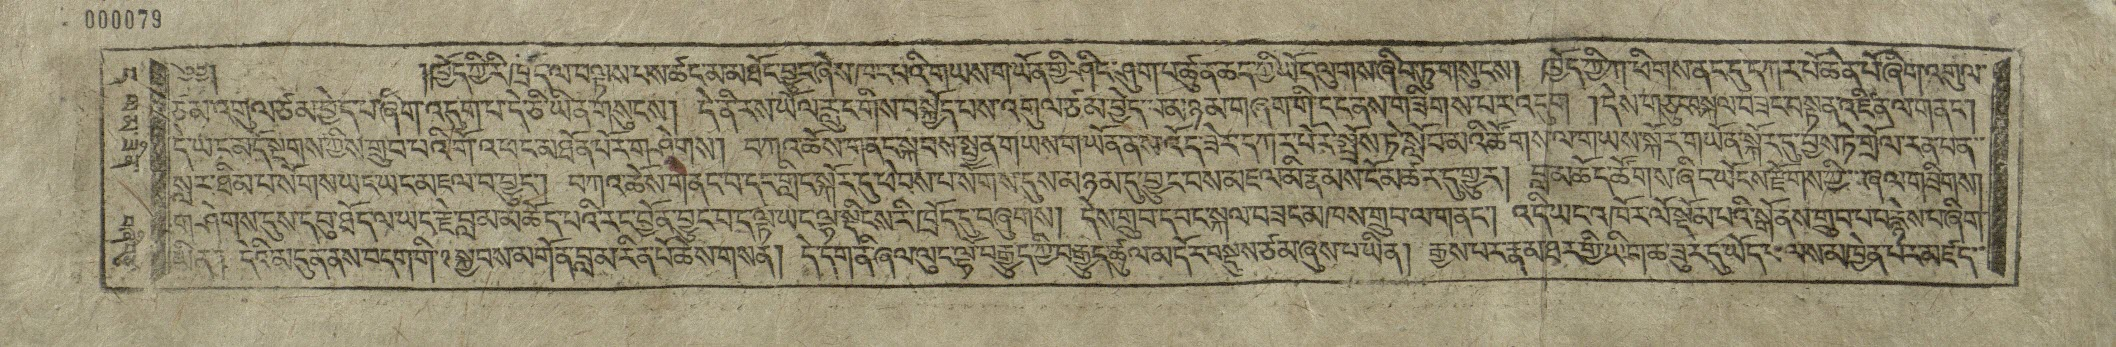༄༅། །ཁྱོད་ཀྱི་རི་ཁྲོད་ལ་བལྟས་པས་ཚང་མ་མཐོང་བྱུང་ཞེས་ཁང་པའི་གཡས་གཡོན་གྱི་ཤིང་ཤུག་པ་ཚུན་ཆད་ཀྱི་ཡོད་ལུགས་ཞིབ་ཏུ་གསུངས། ཁྱོད་ཀྱི་ཀ་ཕིགས་ནང་དུ་དཀར་པོ་ཆེན་པོ་ཞིག་འགུལ་
ཙམ་འགུལ་ཙམ་བྱེད་པ་ཞིག་འདུག་པ་དེ་ཅི་ཡིན་གསུངས། དེ་ནི་རས་ཡོལ་རླུང་གིས་བསྐྱོད་པས་འགུལ་ཙམ་བྱེད་པ་མཉམ་གཞག་གི་ངང་ནས་གཟིགས་པར་འདུག །དེས་གཅུང་བསྐལ་བཟང་བསྟན་འཛིན་ལ་གནང་།
དེ་ཡང་མདོ་སྔགས་ཀྱིས་གྲུབ་པའི་གོ་འཕང་མཐོན་པོར་གཤེགས། བཀའ་ཆོས་གནང་སྐབས་སྤྱན་གཡས་གྱོན་ནས་འོད་ཟེར་དཀར་པོ་རེ་སྤྲོས་ཏེ་སློབ་མའི་ཚོགས་ལ་གཡས་སྐོར་གྱོན་སྐོར་དུ་བྱས་ཏེ་གྲོལ་རན་པ་ན་
སླར་ཐིམ་པ་སོགས་ཡང་ཡང་མཇལ་བ་བྱུང་། བཀའ་ཆོས་གནང་བ་དང་གླིང་སྐོར་དུ་ཕེབས་པ་སོགས་དུས་མཉམ་དུ་བྱུང་བས་མཇལ་མི་རྣམས་ངོ་མཚར་དུ་གྱུར། བླ་མཆོད་ཚོགས་ཞིང་ཡོངས་རྫོགས་ཀྱི་ཞལ་གཟིགས།
གཤེགས་དུས་དབུ་ཐོད་ལ་ཡང་རྗེ་བླ་མ་མཆོད་པའི་རང་བྱོན་བྱུང་བ་ད་ལྟ་ཡང་ལྷ་སྡིངས་རི་ཁྲོད་དུ་བཞུགས། དེས་གྲུབ་དབང་སྐལ་བཟང་མཁས་གྲུབ་ལ་གནང་། འདི་ཡང་འཁོར་ལོ་སྡོམ་པའི་སྒོ་ནས་གྲུབ་པ་བརྙེས་པ་ཞིག་
ཡིན། དེའི་མདུན་ནས་བདག་གི་༧སྐྱབས་?་མགོན་བླ་མ་རིན་པོ་ཆེས་གསན། དེ་དག་ནི་ཞལ་ལུང་ལྷོ་བརྒྱུད་ཀྱི་བརྒྱུད་ཚུལ་མདོར་བསྡུས་ཙམ་ཞུས་པ་ཡིན། རྒྱས་པར་རྣམ་ཐར་གྱི་ཡིག་ཆ་ཟུར་དུ་ཡོད་པ་ལས་མཁྱེན་པར་མཛད་